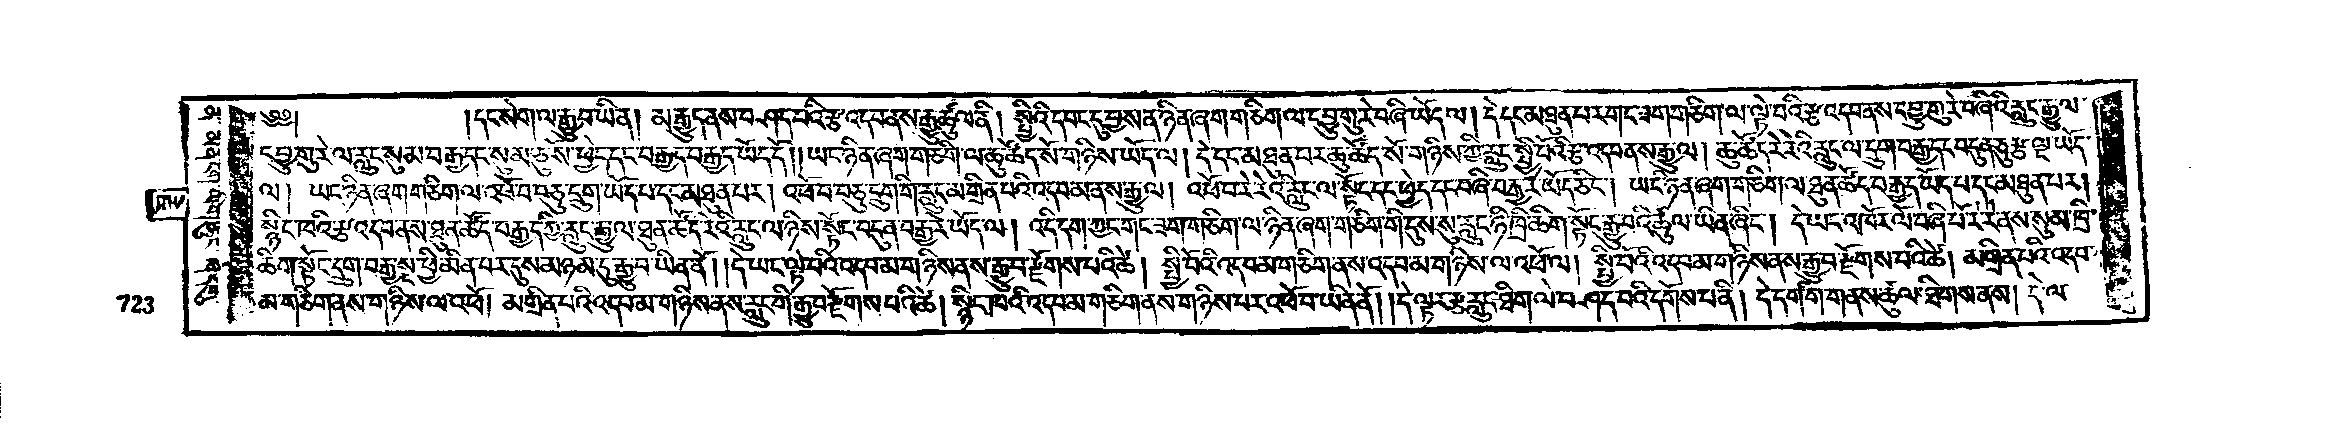༄༅། །དང་སེག་ལ་རྒྱུ་བ་ཡིན། མ་རྒྱུད་ནས་བཤད་པའི་རྩ་འདབ་ནས་རྒྱུ་ཚུལ་ནི། སྤྱིའི་དབང་དུ་བྱས་ན་ཉིན་ཞག་གཅིག་ལ་དབྱུ་གུ་རེ་བཞི་ཡོད་ལ། དེ་དང་མཐུན་པར་གང་ཟག་གཅིག་ལ་ལྟེ་བའི་རྩ་འདབ་ནས་དབྱུ་གུ་རེ་བཞིའི་རླུང་རྒྱུ་ལ་
དབྱུ་གུ་རེ་ལ་རླུང་སུམ་བརྒྱ་དང་སུམ་ཅུ་སོ་ཕྱེད་དང་བརྒྱད་བརྒྱད་ཡོད་དོ། །ཡང་ཉིན་ཞག་གཅིག་ལ་ཆུ་ཚོད་སོ་གཉིས་ཡོད་ལ། དེ་དང་མཐུན་པར་ཆུ་ཚོད་སོ་གཉིས་ཀྱི་རླུང་སྤྱི་བོའི་རྩ་འདབ་ནས་རྒྱུ་ལ། ཆུ་ཚོད་རེ་རེའི་རླུང་ལ་དྲུག་བརྒྱ་དང་བདུན་ཅུ་རྩ་ལྔ་ཡོད་
ལ། ཡང་ཉིན་ཞག་གཅིག་ལ་འཕོ་བ་བཅུ་དྲུག་ཡོད་པ་དང་མཐུན་པར། འཕོ་བ་བཅུ་དྲུག་གི་རླུང་མགྲིན་པའི་འདབ་མ་ནས་རྒྱུ་ལ། འཕོ་བ་རེ་རེའི་རླུང་ལ་སྟོང་དང་ཕྱེད་དང་བཞི་བརྒྱ་རེ་ཡོད་ཅིང་། ཡང་ཉིན་ཞག་གཅིག་ལ་ཐུན་ཚོད་བརྒྱད་ཡོད་པ་དང་མཐུན་པར།
སྙིང་ཁའི་རྩ་འདབ་ནས་ཐུན་ཚོད་བརྒྱད་ཀྱི་རླུང་རྒྱུ་ལ་ཐུན་ཚོད་རེའི་རླུང་ལ་ཉིས་སྟོང་བདུན་བརྒྱ་རེ་ཡོད་ལ། འདི་དག་ཀྱང་གང་ཟག་གཅིག་ལ་ཉིན་ཞག་གཅིག་གི་དུས་སུ་རླུང་ཉི་ཁྲི་ཆིག་སྟོང་རྒྱུ་བའི་ཚུལ་ཡིན་ཞིང་། དེ་ཡང་འཁོར་ལོ་བཞི་པོ་རེ་རེ་ནས་སུམ་ཁྲི་
ཆིག་སྟོང་དྲུག་བརྒྱ་སྔ་ཕྱི་མིན་པར་དུས་མཉམ་དུ་རྒྱུ་བ་ཡིན་ནོ། །དེ་ཡང་ལྟེ་བའི་འདབ་མ་གཉིས་ནས་རྒྱུ་བ་རྫོགས་པའི་ཚེ། སྤྱི་བོའི་འདབ་མ་གཅིག་ནས་འདབ་མ་གཉིས་ལ་འཕོ་ལ། སྤྱི་བོའི་འདབ་མ་གཉིས་ནས་རྒྱུ་བ་རྫོགས་པའི་ཚེ། མགྲིན་པའི་འདབ་
མ་གཅིག་ནས་གཉིས་ལ་འཕོ། མགྲིན་པའི་འདབ་མ་གཉིས་ནས་རླུང་གི་རྒྱུ་བ་རྫོགས་པའི་ཚེ། སྙིང་ཁའི་འདབ་མ་གཅིག་ནས་གཉིས་པར་འཕོ་བ་ཡིན་ནོ། །དེ་ལྟར་རྩ་རླུང་ཐིག་ལེ་བཤད་པའི་དགོས་པ་ནི། དེ་དག་གི་གནས་ཚུལ་ཐིགས་ནས། དེ་ལ་